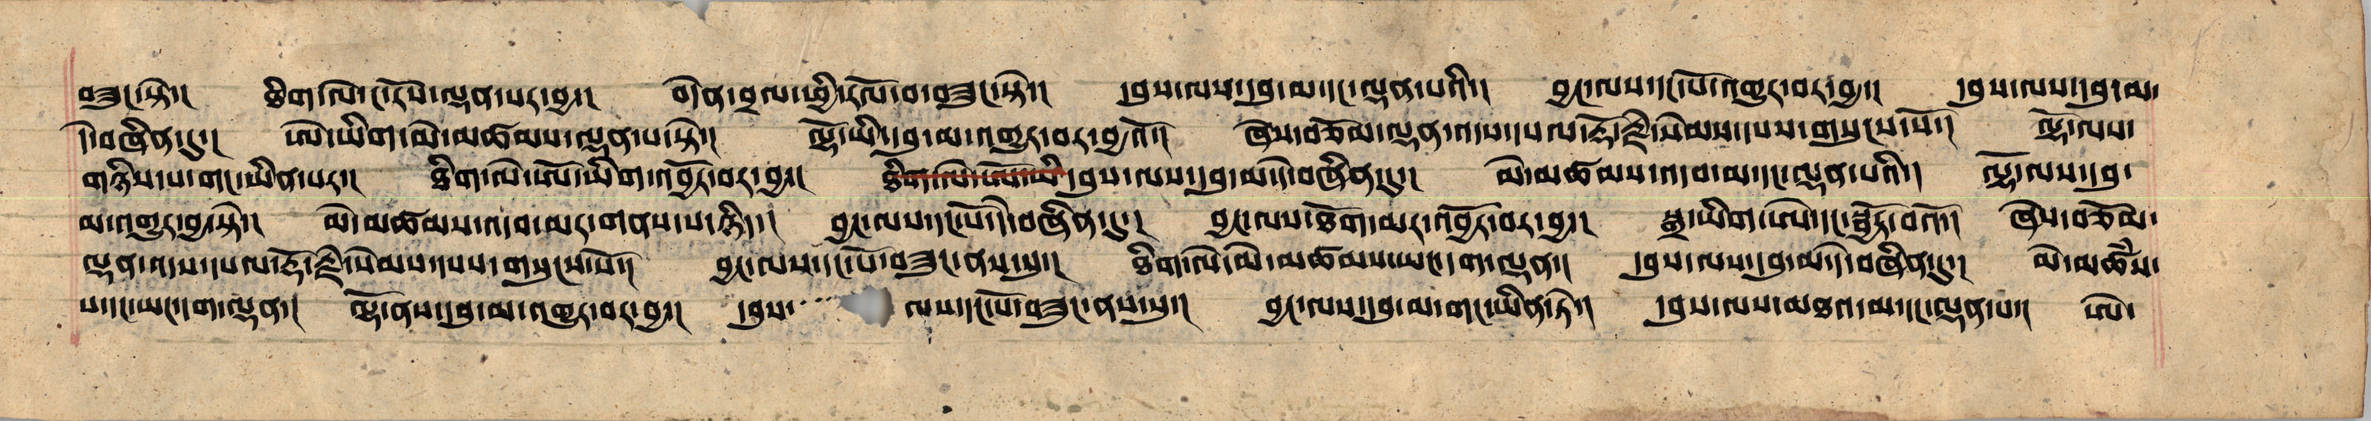བཟུང་སྟེ་། ཐིག་ལེ་ང་རོས་ལྡན་པར་བྱ་། བདེན་བྲལ་ཕྱི་རོལ་བ་བཟུང་སྟེ་། དབུས་ལས་དབུ་མ་དང་ལྡན་པའི་། བྱང་ལས་དང་པོ་འགྱུར་བར་བྱ་། དབུས་ལས་དབུ་མ་
དེ་བཞིན་དུ་། ཨེ་ཡིག་མེ་མཚམས་ལྡན་པ་སྟེ་། ལྷོ་ཡི་དབུ་མ་འགྱུར་བར་བྱའོ་། ཞེས་བཅོམ་ལྡན་འདས་དཔལ་རྡོ་རྗེ་སེམས་དཔས་གསུངས་སོ་། ལྷོ་ལས་
གཉིས་པ་གང་ཡིན་པར་། ཐིག་ལེ་ཨོ་ཡིག་འབྱོར་བར་བྱ་། ཐིག་ལེ་ཨོ་ཡི་དབུས་ལས་དབུ་མ་དེ་བཞིན་དུ་། མེ་མཚམས་འདབ་མ་དང་ལྡན་པའི་། ལྷོ་ལས་དབུ་
མ་འགྱུར་བྱ་སྟེ་། མེ་མཚམས་འདབ་མར་གནས་པ་ཉིད་། བྱང་ལས་དང་པོ་དེ་བཞིན་དུ་། བྱང་ལས་ཐོག་མར་འབྱོར་བར་བྱ་། སྒྲ་ཡིག་ཨེ་དང་སྦྱོར་བའོ་། ཞེས་བཅོམ་
ལྡན་འདས་དཔལ་རྡོ་རྗེ་སེམས་དཔས་གསུངས་སོ་། བྱང་ལས་དང་པོ་བཟུང་ནས་སུ་། ཐིག་ལེ་མེ་མཚམས་ཡང་དག་ལྡན་། དབུས་ལས་དབུ་མ་དེ་བཞིན་དུ་། མེ་མཚཾས་
ས་དང་ཡང་དག་ལྡན་། ལྷོ་ནས་དབུ་མ་འགྱུར་བར་བྱ་། དབུས་་་་་ལས་དང་པོ་བཟུང་ནས་སུ་། བྱང་ལས་དབུ་མ་གང་ཡིན་ཏེ་། དབུས་ལས་མཐའ་མ་དང་ལྡན་པ་། ཨེ་